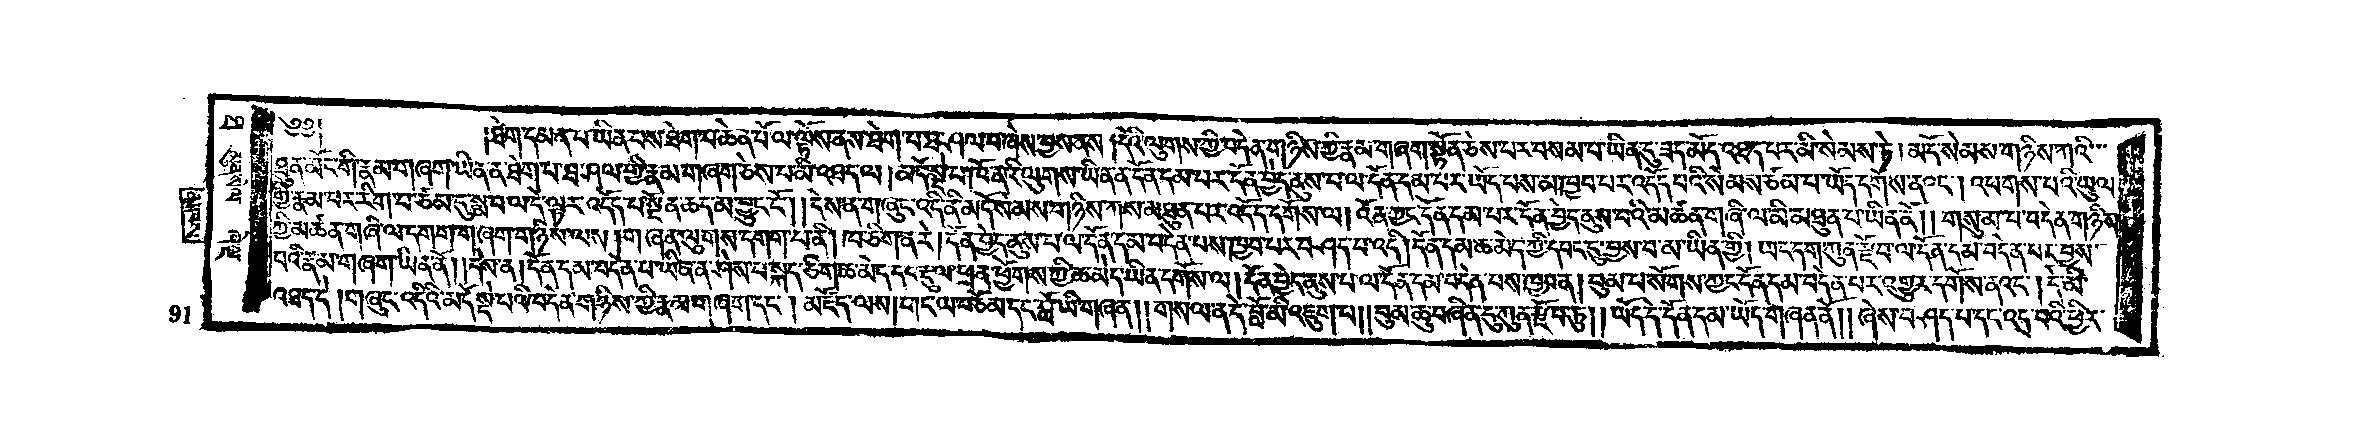༄༅། །ཐེག་དམན་པ་ཡིན་པས་ཐེག་པ་ཆེན་པོ་ལ་ལྟོས་ནས་ཐེག་པ་ཐ་ཤལ་བ་ཞེས་བྱས་ནས། དེའི་ལུགས་ཀྱི་བདེན་གཉིས་ཀྱི་རྣམ་གཞག་སྟོན་ཅེས་པར་བསམ་པ་ཡིན་དུ་ཟད་མོད་འཐད་པར་མི་སེམས་ཏེ། མདོ་སེམས་གཉིས་ཀའི་
ཐུན་མོང་གི་རྣམ་གཞག་ཡིན་ན་ཐེག་པ་ཐ་ཤལ་གྱི་རྣམ་གཞག་ཅེས་པ་མི་འཐད་ལ། མདོ་སྡེ་པ་ཁོ་ནའི་ལུགས་ཡིན་ན་དོན་དམ་པར་དོན་བྱེད་ནུས་པ་ལ་དོན་དམ་པར་ཡོད་པས་མ་ཁྱབ་པར་འདོད་པའི་སེམས་ཙམ་པ་ཡོད་དགོས་ནའང་། འཕགས་པའི་ཡུལ་
གྱི་རྣམ་པར་རིག་པ་ཙམ་དུ་སྨྲ་བ་ལ་དེ་ལྟར་འདོད་པ་སྔོན་ཆད་མ་བྱུང་ངོ། །དེས་ན་གཞུང་འདི་ནི་མདོ་སེམས་གཉིས་ཀས་མཐུན་པར་འདོད་དགོས་ལ། འོན་ཀྱང་དོན་དམ་པར་དོན་བྱེད་ནུས་པའི་མཚན་གཞི་ལ་མི་མཐུན་པ་ཡིན་ནོ། །གསུམ་པ་བདེན་གཉིས་
ཀྱི་མཚན་གཞི་ལ་དགག་གཞག་གཉིས་ལས། གཞན་ལུགས་དགག་པ་ནི། ཁ་ཅིག་ན་རེ། དོན་བྱེད་ནུས་པ་ལ་དོན་དམ་བདེན་པས་ཁྱབ་པར་བཤད་པ་འདི། དོན་དམ་ཆ་མེད་ཀྱི་དབང་དུ་བྱས་པ་མ་ཡིན་གྱི། ཡང་དག་ཀུན་རྫོབ་ལ་དོན་དམ་བདེན་པར་བྱས་
པའི་རྣམ་གཞག་ཡིན་ནོ། །དེས་ན། དོན་དམ་བདེན་པ་ཡིན་ན་ཤེས་པ་སྐད་ཅིག་ཆ་མེད་དང་རྡུལ་ཕྲན་ཕྱོགས་ཀྱི་ཆ་མེད་ཡིན་དགོས་ལ། དོན་བྱེད་ནུས་པ་ལ་དོན་དམ་བདེན་པས་ཁྱབ་ན། བུམ་པ་སོགས་ཀྱང་དོན་དམ་བདེན་པར་འགྱུར་དགོས་ནའང་། དེ་མི་
འཐད་དེ། གཞུང་འདིའི་མདོ་སྡེ་པའི་བདེན་གཉིས་ཀྱི་རྣམ་གཞག་དང་། མཛོད་ལས། གང་ལ་བཅོམ་དང་བློ་ཡི་གཞན། །གསལ་ན་དེ་བློ་མི་འཇུག་པ། །བུམ་ཆུ་བཞིན་དུ་ཀུན་རྫོབ་ཏུ། །ཡོད་དེ་དོན་དམ་ཡོད་གཞན་ནོ། །ཞེས་བཤད་པ་དང་འདྲ་བའི་ཕྱིར་